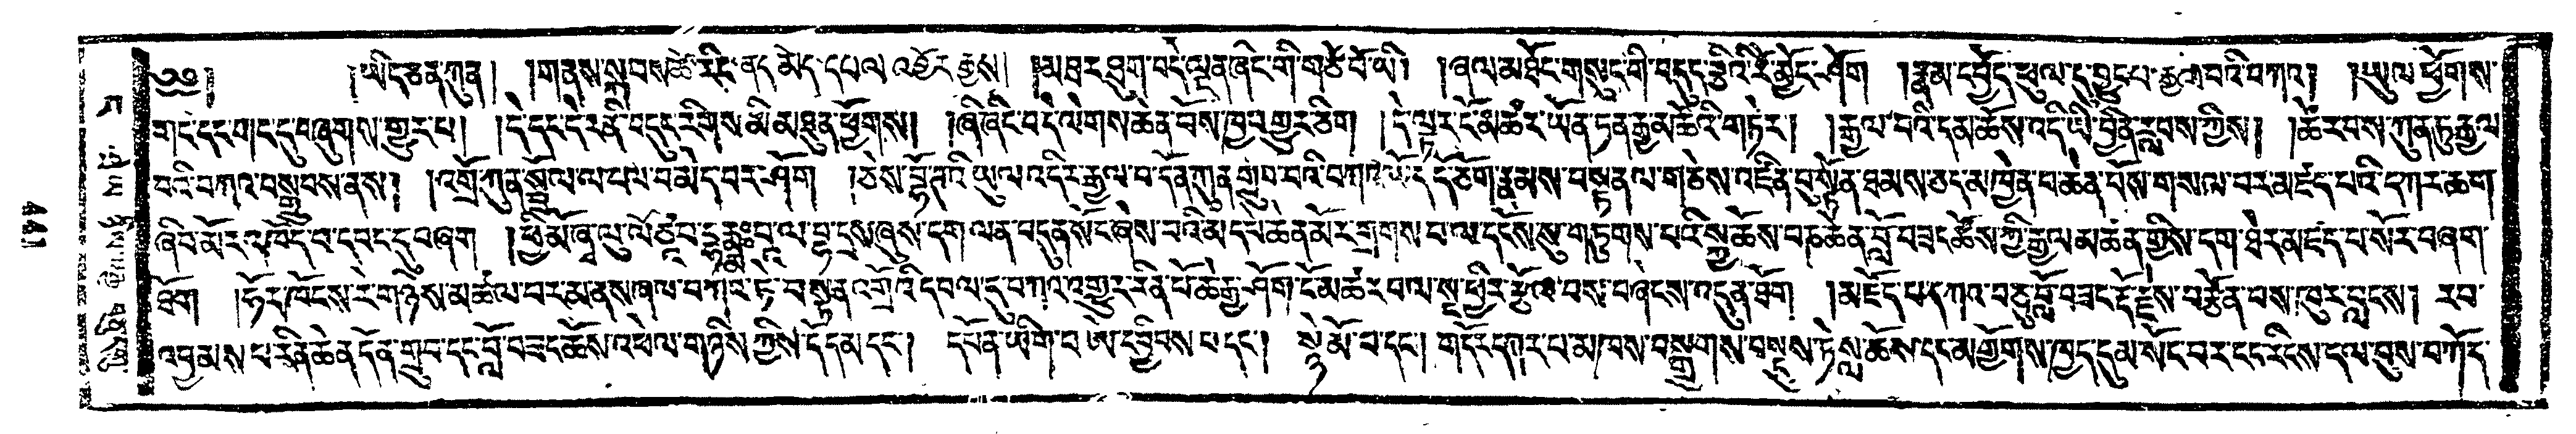༄༅། །ཡིད་ཅན་ཀུན། །གནས་སྐབས་ཚེ་རིང་ནད་མེད་དཔལ་འབྱོར་རྒྱས། །མཐར་ཐུག་བདེ་ལྡན་ཞིང་གི་གཙོ་བོ་ཡི། །ཞལ་མཐོང་གསུང་གི་བདུད་རྩིའི་རོ་མྱོང་ཤོག །རྣམ་དཔྱོད་ཕུལ་དུ་བྱུང་པ་རྒྱལ་བའི་བཀའ། །ཡུལ་ཕྱོགས་
གང་དང་གང་དུ་བཞུགས་གྱུར་པ། །དེ་དང་དེར་ནི་བདུང་རིགས་མི་མཐུན་ཕྱོགས། །ཞི་ཞིང་བདེ་ལེགས་ཆེན་བོས་ཁྱབ་གྱུར་ཅིག། །དེ་ལྟར་ངོ་མཚར་ཡོན་ཏན་རྒྱ་མཚོའི་གཏེར། །རྒྱལ་བའི་དམ་ཆོས་འདི་ཡི་བྱིན་རླབས་ཀྱིས། །ཚེ་རབས་ཀུན་ཏུ་རྒྱལ་
བའི་བཀའ་བསྒྲུབས་ནས། །འགྲོ་ཀུན་སྤྲོལ་ལ་ངལ་བ་མེད་བར་ཤོག །ཅེས་བྷོ་ཊའི་ཡུལ་འདིར་རྒྱལ་བ་དོན་ཀུན་གྲུབ་བའི་བཀའ་ཡོད་དོ་ཅོག་རྣམས་བསྟན་ལ་གཅེས་འཛིན་བུ་སྟོན་ཐམས་ཅད་མཁྱེན་བ་ཆེན་པོས་གསལ་བར་མཛད་པའི་དཀར་ཆག་
ཞིབ་མོར་འཁོད་བ་དབང་དུ་བཞག །ཕྱི་མོ་ཞྭ་ལུ་ལོ་ཙཱ་བ་དྷརྨ་བཱ་ལ་བྷ་དྲས་ཞུས་དག་ལན་བདུན་སོང་ཞེས་བའི་མ་དཔེ་ཆེན་མོར་གྲགས་པ་ལ་དངོས་སུ་བཏུགས་པའི་སྐྱེ་ཆོས་པཎ་ཆེན་བློ་བཟང་ཆོས་ཀྱི་རྒྱལ་མཚན་གྱི་དག་ཐེར་མཛད་པ་སོར་བཞག་
ཐོག །ཧོར་ཁོངས་རེ་གཉིས་མཚལ་བར་མ་ནས་ཞལ་བཀའི་ཏེ་བསྟན་འགྲོའི་དབལ་དུ་བཀའ་འགྱུར་རིན་པོ་ཆེ་རྒྱ་ཤོག་ངོ་མཚར་བ་ལ་སྔ་ཕྱིར་རྩོལ་བས་བཞེངས་འདུན་ཐོག །མཛོད་པ་དཀའ་བཅུ་བློ་བཟང་རྡོ་རྗེས་བཙུན་བས་ཁུར་བླངས། རབ་
འབྱམས་པ་རིན་ཆེན་དོན་གྲུབ་དང་བློ་བཟང་ཆོས་འཕེལ་གཉིས་ཀྱི་དོ་དམ་དང་། དཔོན་ཡིག་བ་ཨེ་དབྱིབས་པ་དང་། སྙེ་མོ་བ་དང་། གདོར་དཀར་པ་མཁས་བསྒྲུགས་བསྡུས་ཏེ་སླ་ཆོས་དམ་ཆོས་དང་མ་གྱོགས་ཁྱད་དུ་མ་སོང་བར་དད་རིངས་དལ་བུས་བཀོད་